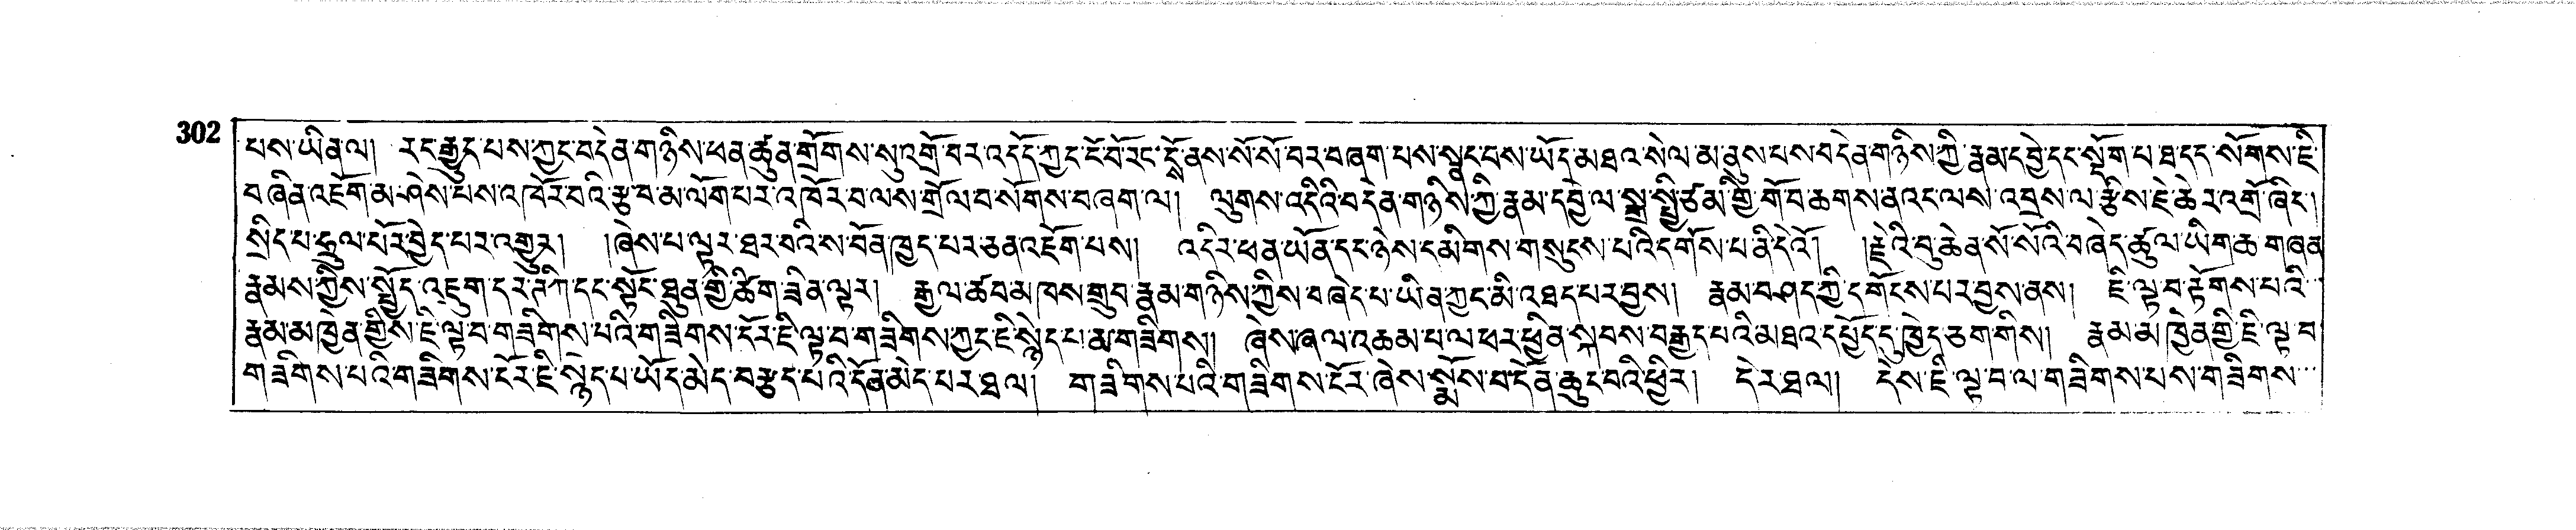པས་ཡིན་ལ། རང་རྒྱུད་པས་ཀྱང་བདེན་གཉིས་ཕན་ཚུན་གྲོགས་སུ་འགྲོ་བར་འདོད་ཀྱང་ངོ་བོ་རང་ངོས་ནས་སོ་སོ་བར་བཞག་པས་སྣང་བས་ཡོད་མཐའ་སེལ་མ་ནུས་པས་བདེན་གཉིས་ཀྱི་རྣམ་དབྱེ་དང་སྡོག་པ་ཐ་དད་སོགས་ཇི་
བཞིན་འཇོག་མ་ཤེས་པས་འཁོར་བའི་རྩ་བ་མ་ལོག་པར་འཁོར་བ་ལས་གྲོལ་བ་སོགས་བཞག་ལ། ལུགས་འདིའི་བདེན་གཉིས་ཀྱི་རྣམ་དབྱེ་ལ་སྒྲ་སྤྱི་ཙམ་གྱི་གོ་བ་ཆགས་ནའང་ལས་འབྲས་ལ་རྩིས་ཇེ་ཆེར་འགྲོ་ཞིང་།
སྲིད་པ་ཧྲུལ་པོར་བྱེད་པར་འགྱུར། །ཞེས་པ་ལྟར་ཐར་བའི་ས་བོན་ཁྱད་པར་ཅན་འཇོག་པས། འདིར་ཕན་ཡོན་དང་ཉེས་དམིགས་གསུངས་པའི་དགོས་པ་ནི་དེའོ། །རྗེའི་བུ་ཆེན་སོ་སོའི་བཞེད་ཚུལ་ཡིག་ཆ་གཞན་
རྣམས་ཀྱིས་སྤྱོད་འཇུག་དར་ཊིཀ་དང་སྟོང་ཐུན་གྱི་ཚིག་ཟིན་ལྟར། རྒྱལ་ཚབ་མཁས་གྲུབ་རྣམ་གཉིས་ཀྱིས་བཞེད་པ་ཡིན་ཀྱང་མི་འཐད་པར་བྱས། རྣམ་བཤད་ཀྱི་དགོངས་པར་བྱས་ནས། ཇི་ལྟ་བ་རྟོགས་པའི་
རྣམ་མཁྱེན་གྱིས་ཇི་ལྟ་བ་གཟིགས་པའི་གཟིགས་ངོར་ཇི་ལྟ་བ་གཟིགས་ཀྱང་ཇི་སྙེད་པ་མ་གཟིགས། ཞེས་ཞལ་འཆམ་པ་ལ་ཕར་ཕྱིན་སྐབས་བརྒྱད་པའི་མཐའ་དཔྱོད་དུ་ཁྱེད་ཅག་གིས། རྣམ་མཁྱེན་གྱི་ཇི་ལྟ་བ་
གཟིགས་པའི་གཟིགས་ངོར་ཇི་སྙེད་པ་ཡོད་མེད་བརྩད་པའི་དོན་མེད་པར་ཐལ། གཟིགས་པའི་གཟིགས་ངོར་ཞེས་སྨོས་བ་དོན་ཆུང་བའི་ཕྱིར། དེར་ཐལ། དེས་ཇི་ལྟ་བ་ལ་གཟིགས་པས་གཟིགས་